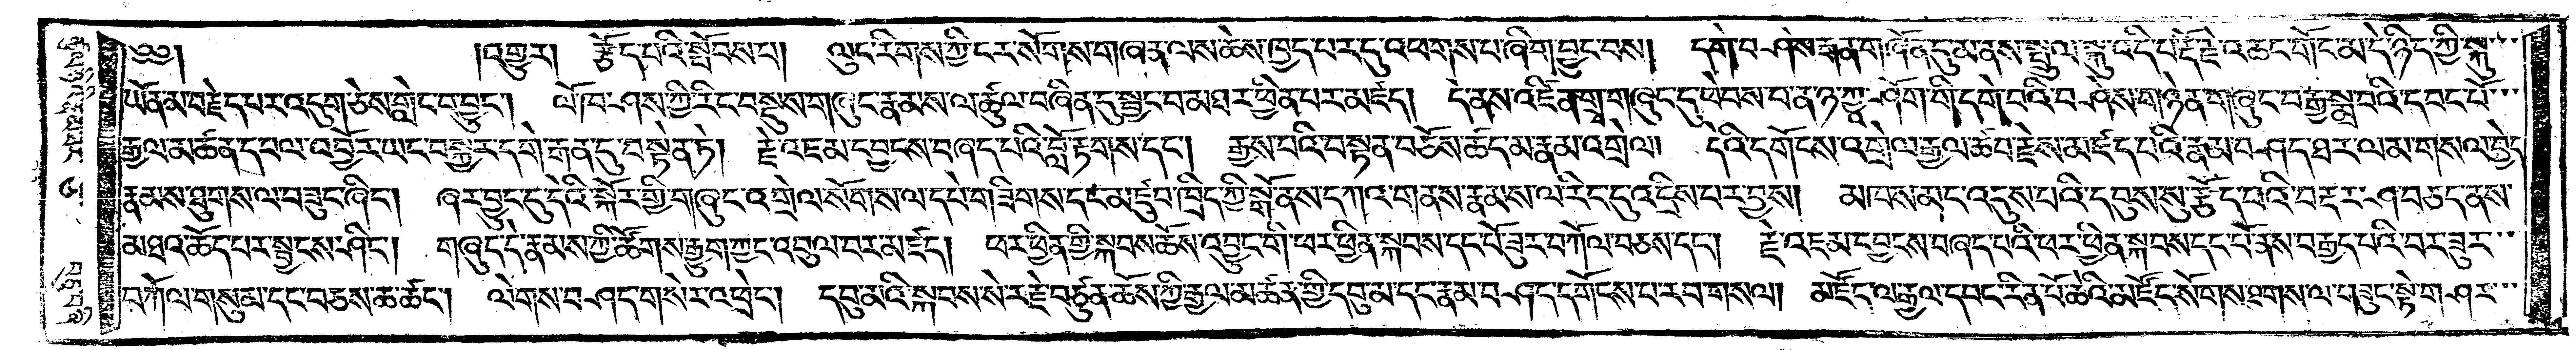༄༅། །འགྱུར། རྩོད་པའི་སྤོབས་བ། ལུང་རིགས་ཀྱི་ངར་སོགས་གཞན་ལས་ཆེས་ཁྱད་བར་དུ་འཕགས་བ་ཞིག་བྱུང་བས། དགེ་བཤེས་རྒན་གཞོན་དུ་མ་ནས་སྤྲུལ་སྐུ་འདི་པ་རྡོ་རྗེ་འཆང་གོང་མ་དེ་ཉིད་ཀྱི་སྐུ་
ཡོན་མ་བརྗེད་པར་འདུག་ཅེས་གླེང་བ་བྱུང་། ལོ་ཁ་ཤས་ཀྱི་རིང་བསྡུས་གཞུང་རྣམས་ལ་ཚུལ་བཞིན་དུ་སྦྱང་བ་མཐར་ཕྱིན་པར་མཛད། དེ་ནས་འཛིན་གྲྭ་གཞུང་དུ་ཕེབས་པ་ན་ཉ་ཀྱཱ་ཤོག་གི་དགེ་བའི་བཤེས་གཉེན་གཞུང་བརྒྱ་སྨྲ་བའི་དབང་པོ་
རྒྱལ་མཚན་དཔལ་འབྱོར་ཡང་བསྐྱར་དགེ་རྒན་དུ་བསྟེན་ཏེ། རྗེ་འཇམ་དབྱངས་བཞད་པའི་བློ་རྟགས་དང་། རྒྱས་བའི་བསྟན་བཅོས་ཚད་མ་རྣམ་འགྲེལ། དེའི་དགོངས་འགྲེལ་རྒྱལ་ཚབ་རྗེས་མཛད་པའི་རྣམ་བཤད་ཐར་ལམ་གསལ་བྱེད་
རྣམས་ཐུགས་ལ་བཟུང་ཞིང་། ཞར་བྱུང་དུ་དེའི་སྐོར་གྱི་གཞུང་འགྲེལ་སོགས་ལ་དཔེ་གཟིགས་དང་མཛུབ་ཁྲིད་ཀྱི་སྒོ་ནས་དཀའ་གནས་རྣམས་ལ་རིང་དུ་འདྲིས་པར་བྱས། མཁས་མང་འདུས་པའི་དབུས་སུ་རྩོད་པའི་བརྡར་ཤ་བཅད་ནས་
མཐའ་ཆོད་བར་སྦྱངས་ཤིང་། གཞུང་དེ་རྣམས་ཀྱི་ཚོགས་རྒྱུག་ཀྱང་འབུལ་བར་མཛད། ཕར་ཕྱིན་གྱི་སྐབས་ཆོས་འབྱུང་གི་ཕར་ཕྱིན་སྐབས་དང་པོ་ཟུར་བཀོལ་བཅས་དང་། རྗེ་འཇམ་དབྱངས་བཞད་པའི་ཕར་ཕྱིན་སྐབས་དང་པོ་ནས་བརྒྱད་པའི་བར་ཟུར་
བཀོལ་གསུམ་དང་བཅས་ཆ་ཚང་། ལེགས་བཤད་གསེར་འཕྲེང་། དབུ་མའི་སྐབས་སེར་རྗེ་བཙུན་ཆོས་ཀྱི་རྒྱལ་མཚན་གྱི་དབུ་མ་དང་རྣམ་བཤད་དགོངས་པ་རབ་གསལ། མཛོད་ལ་རྒྱལ་དབང་རིན་པོ་ཆེའི་མཛོད་སོགས་ཐུགས་ལ་གཟུང་སྟེ་གཤར་